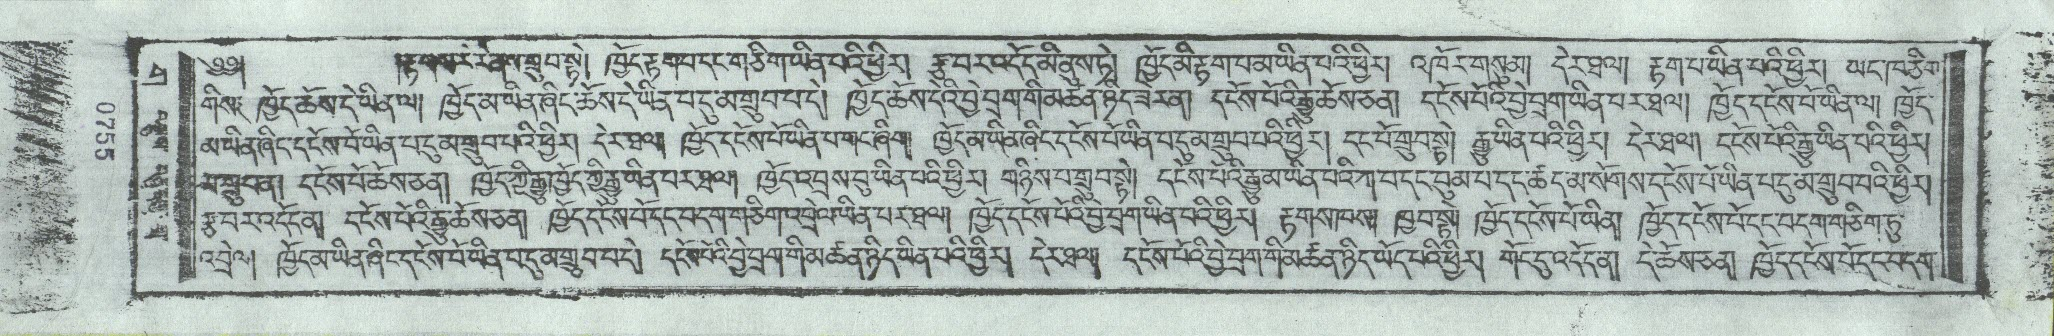༄༅། །རྟགས་རེ་རེ་ནས་གྲུབ་སྟེ། ཁྱོད་རྟག་པ་དང་གཅིག་ཡིན་པའི་ཕྱིར། རྩ་བར་འདོད་མི་ནུས་ཏེ། ཁྱོད་མི་རྟག་པ་མ་ཡིན་པའི་ཕྱིར། འཁོར་གསུམ། དེར་ཐལ། རྟག་པ་ཡིན་པའི་ཕྱིར། ཡང་ཁ་ཅིག་
གིས༑ ཁྱོད་ཆོས་དེ་ཡིན་ལ། ཁྱོད་མ་ཡིན་ཞིང་ཆོས་དེ་ཡིན་པ་དུ་མ་གྲུབ་པ་དེ། ཁྱོད་ཆོས་དེའི་བྱེ་བྲག་གི་མཚན་ཉིད་ཟེར་ན། དངོས་པོའི་རྒྱུ་ཆོས་ཅན། དངོས་པོའི་བྱེ་བྲག་ཡིན་པར་ཐལ། ཁྱོད་དངོས་པོ་ཡིན་ལ། ཁྱོད་
མ་ཡིན་ཞིང་དངོས་པོ་ཡིན་པ་དུ་མ་གྲུབ་པའི་ཕྱིར། དེར་ཐལ། ཁྱོད་དངོས་པོ་ཡིན་པ་གང་ཞིག། ཁྱོད་མ་ཡིན་ཞིང་དངོས་པོ་ཡིན་པ་དུ་མ་གྲུབ་པའི་ཕྱིར། དང་པོ་གྲུབ་སྟེ། རྒྱུ་ཡིན་པའི་ཕྱིར། དེར་ཐལ། དངོས་པོའི་རྒྱུ་ཡིན་པའི་ཕྱིར།
མ་གྲུབ་ན། དངོས་པོ་ཆོས་ཅན། ཁྱོད་ཀྱི་རྒྱུ་ཁྱོད་ཀྱི་རྒྱུ་ཡིན་པར་ཐལ། ཁྱོད་འབྲས་བུ་ཡིན་པའི་ཕྱིར། གཉིས་པ་གྲུབ་སྟེ། དངོས་པོའི་རྒྱུ་མ་ཡིན་པའི་ཀ་བ་དང་བུམ་པ་དང་ཚད་མ་སོགས་དངོས་པོ་ཡིན་པ་དུ་མ་གྲུབ་པའི་ཕྱིར།
རྩ་བར་འདོད་ན། དངོས་པོའི་རྒྱུ་ཆོས་ཅན། ཁྱོད་དངོས་པོ་དང་བདག་གཅིག་འབྲེལ་ཡིན་པར་ཐལ། ཁྱོད་དངོས་པོའི་བྱེ་བྲག་ཡིན་པའི་ཕྱིར། རྟགས་ཁས། ཁྱབ་སྟེ། ཁྱོད་དངོས་པོ་ཡིན། ཁྱོད་དངོས་པོ་དང་བདག་གཅིག་ཏུ་
འབྲེལ། ཁྱོད་མ་ཡིན་ཞིང་དངོས་པོ་ཡིན་པ་དུ་མ་གྲུབ་པ་དེ། དངོས་པོའི་བྱེ་བྲག་གི་མཚན་ཉིད་ཡིན་པའི་ཕྱིར། དེར་ཐལ། དངོས་པོའི་བྱེ་བྲག་གི་མཚན་ཉིད་ཡོད་པའི་ཕྱིར། གོང་དུ་འདོད་ན། དེ་ཆོས་ཅན། ཁྱོད་དངོས་པོ་དང་བདག་